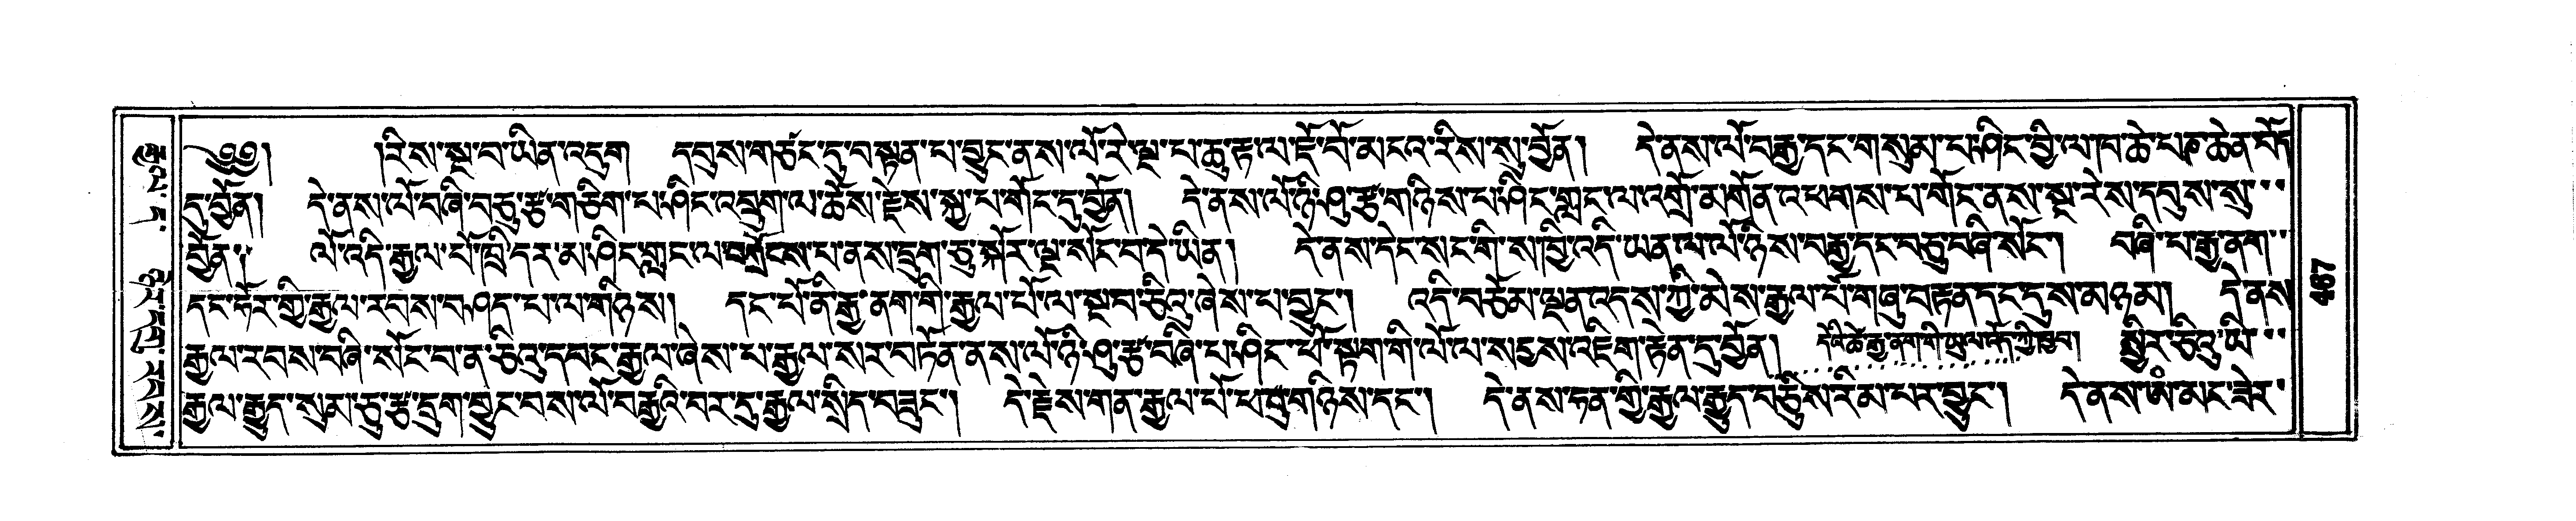༄༅། །རིས་སྔ་བ་ཡིན་འདུག་དབུས་གཙང་དུ་བསྟན་པ་བྱུང་ནས་ལོ་རེ་ལྔ་པ་ཆུ་རྟ་ལ་ཇོ་བོ་མངའ་རིས་སུ་བྱོན། དེ་ནས་ལོ་བརྒྱ་དང་གསུམ་པ་ཤིང་བྱི་ལ་ཁ་ཆེ་པཎ་ཆེན་བོད་
དུ་བྱོན། དེ་ནས་ལོ་བཞི་བཅུ་རྩ་གཅིག་པ་ཤིང་འབྲུག་ལ་ཆོས་རྗེས་སྐྱ་པ་གོང་དུ་བྱོན། དེ་ནས་ལོ་ཉི་ཤུ་རྩ་གཉིས་པ་ཤིང་གླང་ལ་འགྲོ་མགོན་འཕགས་པ་གོང་ནས་སྔ་རེས་དབུས་སུ་
བྱོན༑ ལོ་འདི་རྒྱལ་པོ་ཁྲི་དར་མ་ཤིང་གླང་ལ་བཀྲོངས་པ་ནས་དྲུག་ཅུ་སྐོར་ལྔ་སོང་བ་དེ་ཡིན། དེ་ནས་དེང་སང་གི་ས་ཁྱི་འདི་ཡན་ལ་ལོ་ཉིས་བརྒྱ་དང་བཅུ་བཞི་སོང་། བཞི་པ་རྒྱ་ནག་
དང་ཧོར་གྱི་རྒྱལ་རབས་བཤད་པ་ལ་གཉིས། དང་པོ་ནི་རྒྱ་ནག་གི་རྒྱལ་པོ་ལ་སྔ་བ་ཅིའུ་ཞེས་པ་བྱུང་། འདི་བཅོམ་ལྡན་འདས་ཀྱི་མེས་རྒྱལ་པོ་གཞུ་བརྟན་དང་དུས་མཉམ། དེ་ནས་
རྒྱལ་རབས་བཞི་སོང་བ་ན་ཅིའུ་དབང་རྒྱལ་ཞེས་པ་རྒྱལ་སར་བཏོན་ནས་ལོ་ཉི་ཤུ་རྩ་བཞི་པ་ཤིང་ཕོ་སྟག་གི་ལོ་ལ་སདྱས་འཇིག་རྟེན་དུ་བྱོན། དེའི་ཚེ་རྒྱ་ནག་གི་ཡུལ་འོད་ཀྱི་ཁྱབ།  སྤྱིར་ཅིའུ་ཡི་
རྒྱལ་རྒྱུད་སུམ་ཅུ་རྩ་དྲུག་བྱུང་བས་ལོ་བརྒྱའི་བར་དུ་རྒྱལ་སྲིད་བཟུང་། དེ་རྗེས་གན་རྒྱལ་པོ་ཕ་བུ་གཉིས་དང་། དེ་ནས་ཧན་གྱི་རྒྱལ་རྒྱུད་བཅུཨིས་རིམ་པར་བྱུང་། དེ་ནས་ཨཾ་མང་ཟེར་